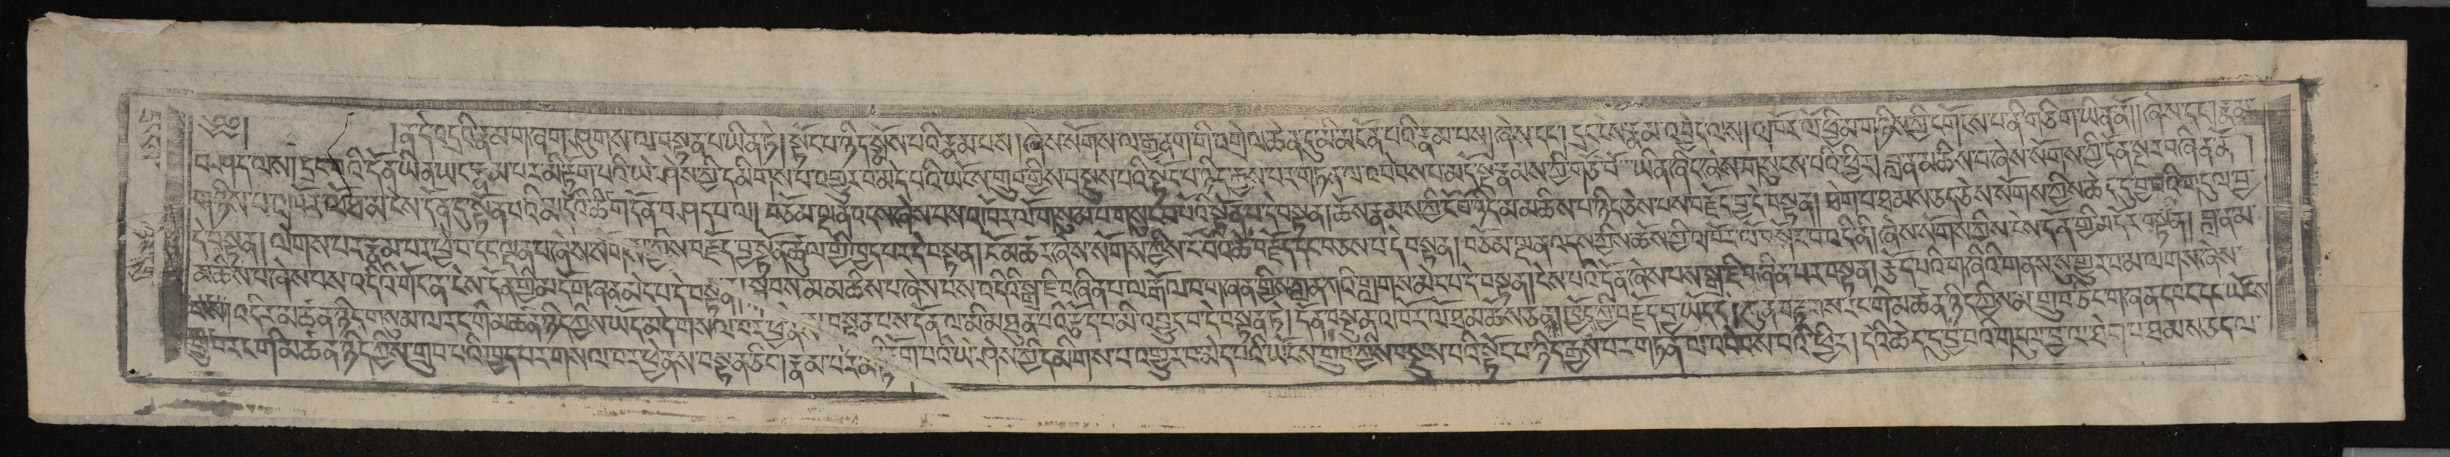༄༅། །ན་དེ་འདྲའི་རྣམ་གཞག་ཤུགས་ལ་བསྟན་པ་ཡིན་ཏེ། སྟོང་པ་ཉིད་སྨོས་པའི་རྣམ་པས། ཞེས་སོགས་ལ་རྒྱ་ནག་གི་འགྲེལ་ཆེན་དུ་མི་མངོན་པའི་རྣམ་པས། ཞེས་དང་། དྲང་ངེས་རྣམ་འབྱེད་ལས། འཁོར་ལོ་ཕྱི་མ་གཉིས་ཀྱི་དགོངས་པ་ནི་གཅིག་ཡིན་ནོ། །ཞེས་དང་། རྣམ་
བཤད་ལས། དྲང་བའི་དོན་ཡིན་ཡང་རྣམ་པར་མི་རྟོག་པའི་ཡེ་ཤེས་ཀྱི་དམིགས་པ་འགྱུར་བ་མེད་པའི་ཡོངས་གྲུབ་ཀྱིས་བསྡུས་པའི་སྟོང་པ་ཉིད་རྒྱས་པར་གཏན་ལ་འབེབས་པ་མདོ་སྡེ་རྣམས་ཀྱི་གཙོ་བོ་ཡིན་ཞིང་ཞེས་གསུངས་པའི་ཕྱིར། བླ་ན་མཆིས་པ་ཞེས་སོགས་ཀྱི་དོན་སྔར་བཞིན་ནོ།།
གཉིས་པ་འཁོར་ལོ་ཐ་མ་ངེས་དོན་དུ་སྟོན་པའི་མདོའི་ཚིག་དོན་བཤད་པ་ལ། བཅོམ་ལྡན་འདས་ཞེས་པས་འཁོར་ལོ་གསུམ་པ་གསུང་བ་པོའི་སྟོན་པ་དེ་བསྟན། ཆོས་རྣམས་ཀྱི་ངོ་བོ་ཉིད་མ་མཆིས་པ་ཉིད་ཅེས་པས་བརྗོད་བྱ་དེ་བསྟན། ཐེག་པ་ཐམས་ཅད་ཅེས་སོགས་ཀྱིས་ཆེད་དུ་བྱ་བའི་གདུལ་བྱ་
དེ་བསྟན། ལེགས་པར་རྣམ་པར་ཕྱེ་བ་དང་ལྡན་པ་ཞེས་སོགས་ཀྱིས་བརྗོད་བྱ་སྟོན་ཚུལ་གྱི་ཁྱད་པར་དེ་བསྟན། ངོ་མཚར་ཞེས་སོགས་ཀྱིས་ངེ་?་བའི་ཆེ་བརྗོད་དང་བཅས་པ་དེ་བསྟན། བཅོམ་ལྡན་འདས་ཀྱིས་ཆོས་ཀྱི་འཁོར་ལོ་བསྐོར་བ་འདི་ནི། ཞེས་སོགས་ཀྱིས་ངེས་དོན་གྱི་མདོར་བསྟན། བླ་ན་མ་
མཆིས་པ་ཞེས་པས་འདིའི་གོང་ན་ངེས་དོན་གྱི་མདོ་གཞན་མེད་པ་དེ་བསྟན། སྐབས་མ་མཆིས་པ་ཞེས་པས་འདིའི་སྒྲ་ཇི་བཞིན་པ་ལ་རྒོལ་བ་གཞན་གྱིས་ཀླན་ཀའི་གླགས་མེད་པ་དེ་བསྟན། ངེས་པའི་དོན་ཞེས་པས་སྒྲ་ཇི་བཞིན་པར་བསྟན། རྩོད་པའི་གཞིའི་གནས་སུ་གྱུར་པ་མ་ལགས་ཞེས་
པས། འདིར་མཚན་ཉིད་གསུམ་ལ་རང་གི་མཚན་ཉིད་ཀྱིས་ཡོད་མེད་གསལ་བར་ཕྱེ་ནས་བསྟན་པས་དོན་ལ་མི་མཐུན་པའི་རྩོད་པ་མི་འབྱུང་བ་དེ་བསྟན་ཏེ། དོན་བསྡུ་ན་འཁོར་ལོ་ཐ་མ་ཆོས་ཅན། ཁྱོད་ཀྱི་བརྗོད་བྱ་ཡོད་དེ། ཀུན་བརྟགས་རང་གི་མཚན་ཉིད་ཀྱིས་མ་གྲུབ་ཅིང་གཞན་དབང་དང་ཡོངས་
གྲུབ་རང་གི་མཚན་ཉིད་ཀྱིས་གྲུབ་པའི་ཁྱད་པར་གསལ་བར་ཕྱེ་ནས་བསྟན་ཅིང་། རྣམ་པར་མི་རྟོག་པའི་ཡེ་ཤེས་ཀྱི་དམིགས་པ་འགྱུར་བ་མེད་པའི་ཡོངས་གྲུབ་ཀྱིས་བསྡུས་པའི་སྟོང་པ་ཉིད་རྒྱས་པར་གཏན་ལ་འབེབས་པའི་ཕྱིར། དེའི་ཆེད་དུ་བྱ་བའི་གདུལ་བྱ་ལ་ཐེག་པ་ཐམས་ཅད་ལ་